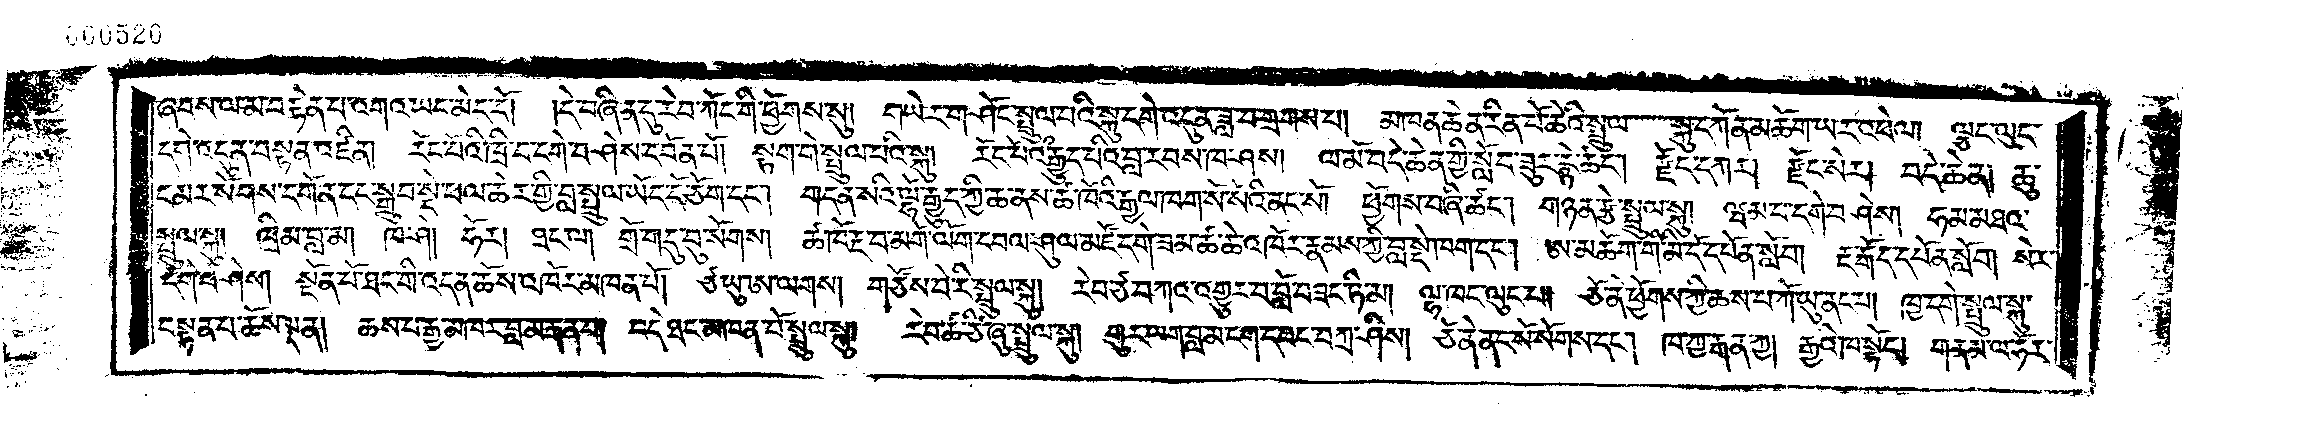ཞབས་ལ་མ་བརྟེན་པ་འགའ་ཡང་མེད་དོ། །དེ་བཞིན་དུ་རེབ་ཀོང་གི་ཕྱོགས་སུ། གཡེར་གཤོང་སྤྲུལ་པའི་སྐུ་དགེ་འདུན་ཟླ་བ་གྲགས་པ། མཁན་ཆེན་རིན་པོ་ཆེའི་སྤྲུལ་སྐུ་དཀོན་མཆོག་ཡར་འཕེལ། ལྕང་ལུང་
དགེ་འདུན་བསྟན་འཛིན། རོང་པོའི་ཁྲི་བ་དགེ་བཤེས་དབོན་པོ། སྟག་གེ་སྤྲུལ་པའི་སྐུ། རོང་པོཨཱྀ་རྒྱུད་པའི་བླ་རབས་ཁ་ཤས། ལ་མོ་བདེ་ཆེན་གྱི་སློབ་ཟུར་རྙེ་ཚང་། རྫོང་དཀར། རྫོང་སེར། བདེ་ཆེན། ཆུ་
དམར་སོགས་དགོན་དང་སྒྲུབ་སྡེ་ཕལ་ཆེར་གྱི་བླ་སྤྲུལ་ཡོད་དོ་ཅོག་དང་། གདན་སའི་ལྷོ་རྒྱུད་ཀྱི་ཆ་ནས་ཚ་ཁོའི་རྒྱལ་ཁག་སོ་སོའི་ནང་སོ། ཕྱོགས་བཞི་ཚང་། གཉན་རྩེ་སྤྲུལ་སྐུ། ཝམ་པ་དགེ་བཤེས། ཧམ་མཐའ་
སྤྲུལ་སྐུ། ཁྲིམ་བླ་མ། ཁ་ཤེ། ཧོར། ཐང་ལ། གྲོ་གདུ་བུ་སོགས། ཚ་ཁོ་རྔ་བ་མགོ་ལོག་དབལ་ཤུལ་མཛོ་དགེ་ཟམ་ཚ་ཆེ་འཁོར་རྣམས་ཀྱི་བླ་སྡེ་ཁག་དང་། ཨ་མཆོག་གི་མི་དོ་དཔོན་སློབ། རྡ་རྒོད་དཔོན་སློབ། སེར་
དགེ་བཤེས། སྔོན་པོ་ཐང་གི་འདན་ཆོས་འཁོར་མཁན་པོ། ཙ་ཡུ་ཨ་ལགས། གཙོས་བེ་རི་སྤྲུལ་སྐུ། རེབ་ཙ་བཀའ་འགྱུར་པ་བློ་བཟང་ཉི་མ། ལྷ་ཁང་ལུང་པ། ཅོ་ནེ་ཕྱོགས་ཀྱི་ཆས་པ་ཀོ་ཡུ་ནང་པ། ཁྱ་དགེ་སྤྲུལ་སྐུ་
བསྟན་པ་ཆོས་ལྡན། ཆས་པ་རྒྱ་མཁར་བླ་མ་རྒན་པ། བདེ་ཐང་མཁན་པོ་སྤྲུལ་སྐུ། རེབ་ཚ་ཅི་ཞུ་སྤྲུལ་སྐུ། གུར་ཡག་བླ་མ་ངག་དབང་བཀྲ་ཤིས། ཅོ་ནེ་ནང་སོ་སོགས་དང་། ཁ་ཀྱ་རྒན་ཀྱ། རྒྱའི་ཁ་སྟོང་། གནམ་ལ་ཧོར་